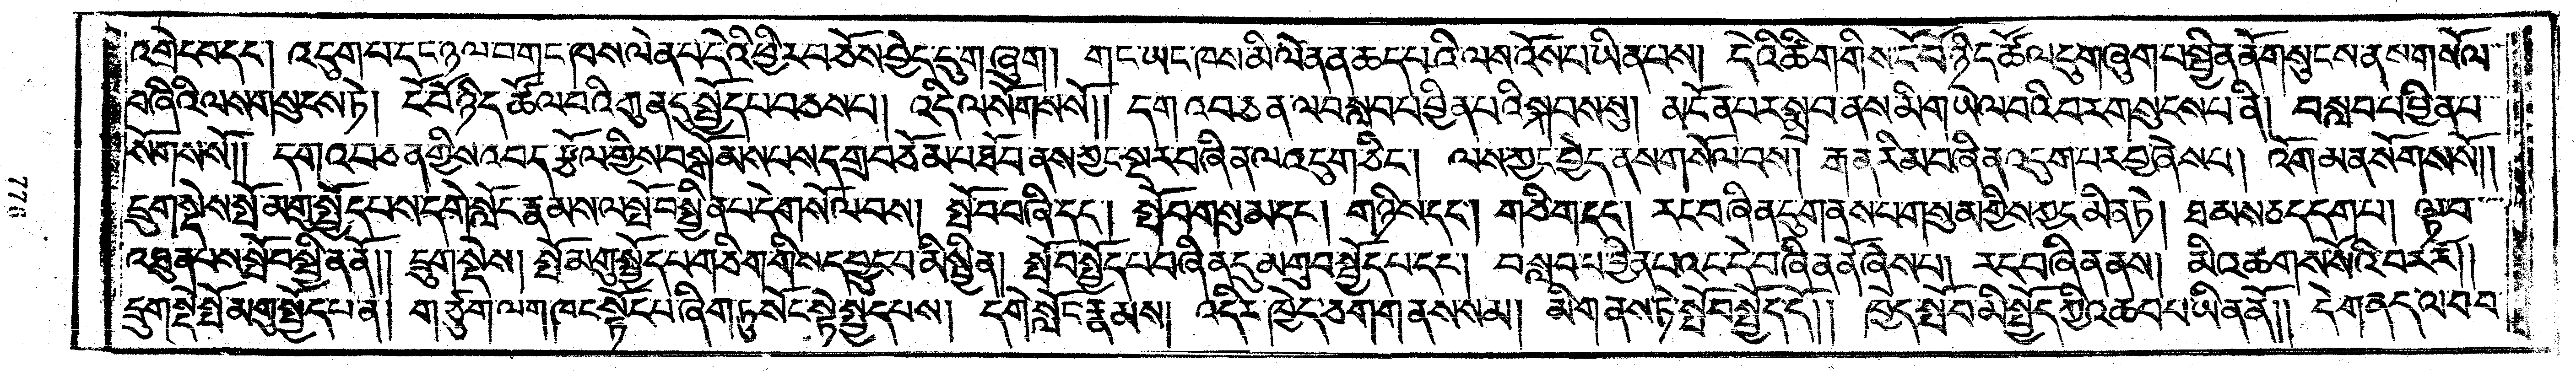འགྲེང་བ་དང་། འདུག་པ་དང་ཉལ་བ་གང་ཁས་ལེན་པ་དེའི་ཕྱིར་བཅོས་བྱེད་དུ་གཞུག། གང་ཡང་ཁས་མི་ལེན་ན་ཆད་པའི་ལས་འོས་པ་ཡིན་པས། དེའི་ཚིག་གིས་ངོ་བོ་ཉིད་ཚོལ་དུ་གཞུག་པ་སྦྱིན་ནོ་གསུངས་ནས་གསོལ་
བཞིའི་ལས་གསུངས་ཏེ། ངོ་བོ་ཉིད་ཚོལ་བའི་ཀུན་དུ་སྤྱོད་པ་བཅས་པ། འདི་ལ་སོགས་སོ།། དགའ་བ་ཅན་ལ་བསླབ་པ་བྱིན་པའི་སྐབས་སུ། མངོན་པར་སྨྲ་བ་ནས་མི་གཡེལ་བའི་བར་གསུངས་པ་ནི། བསླབ་པ་བྱིན་པ་
སོགས་སོ།། དགའ་བ་ཅན་གྱིས་འབད་རྩོལ་གྱིས་བསྒོམས་པས་དགྲ་བཅོམ་པ་ཐོབ་ནས་ཀྱང་སྔར་བཞིན་ལ་འདུག་ཅིང་། ལས་ཀྱང་བྱེད་ནས་གསོལ་བས། རྒན་རིམ་བཞིན་འདུག་པར་བྱ་ཞེས་པ། འོག་མན་སོགས་སོ།།
དྲུག་སྡེས་སྤོ་མགུ་སྤྱོད་པས་དགེ་སློང་རྣམས་ལ་སྤོ་བ་སྦྱིན་པ་དེ་གསོལ་བས། སྤོ་བ་བཞི་དང་། སྤོ་བ་གསུམ་དང་། གཉིས་དང་། གཅིག་དང་། རང་བཞིན་དུ་གནས་པ་གསུམ་གྱིས་ཀྱང་མིན་ཏེ། ཐམས་ཅད་དག་པ། ལྟ་བ་
འཐུན་པས་སྤོ་བ་སྦྱིན་ནོ།། དྲུག་སྡེས། སྤོ་མགུ་སྤྱོད་པ་གཅིག་གིས་དབྱུང་བ་མི་སྦྱིན། སྤོ་བ་སྤྱོད་པ་བཞིན་དུ་མགུ་བ་སྤྱོད་པ་དང་། བསླབ་པ་བྱིན་པའང་དེ་བཞིན་ནོ་ཞེས་པ། རང་བཞིན་ནས། མི་འཆགས་སོའི་བར་རོ།།
དྲུག་སྡེ་སྤོ་མགུ་སྤྱོད་པ་ན། གཙུག་ལག་ཁང་སྟོང་པ་ཞིག་ཏུ་སོང་སྟེ་སྤྱད་པས། དགེ་སློང་རྣམས། འདིར་ཁྱེད་ཅག་གནས་སམ། མི་གནས་ཏེ་སྤོ་བ་སྤྱོད་དོ།། ཁྱེད་སྤོ་བ་མི་སྤྱོད་ཀྱི་འཆབ་པ་ཡིན་ནོ།། དེ་གནད་ལ་བབ་